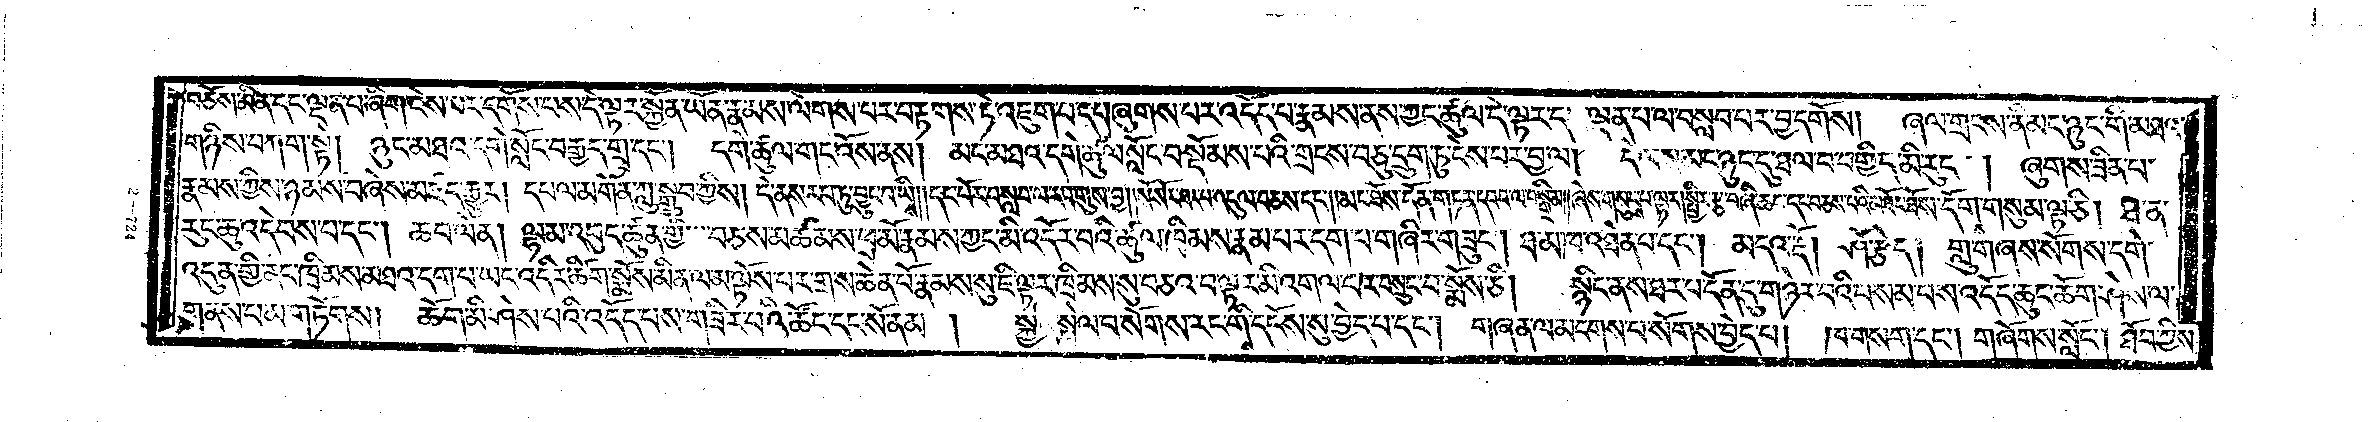བཅོས་མིན་དང་ལྡན་པ་ཞིག་ངེས་པར་དགོས་པས་དེ་ལྟར་སྐྱོན་ཡོན་རྣམས་ལེགས་པར་བརྟགས་ཏེ་འཇུག་པ་དང་། ཞུགས་པར་འདོད་པ་རྣམས་ནས་ཀྱང་ཚུལ་དེ་ལྟར་དང་ལྡན་པ་ལ་བསླབ་པར་བྱ་དགོས། ཞལ་གྲངས་ནི་མང་ཉུང་གི་མཐའ་
གཉིས་བཀག་སྟེ། ཉུང་མཐའ་དགེ་སློང་བརྒྱད་གྲ་དང་། དགེ་ཚུལ་གང་འོས་ནས། མང་མཐའ་དགེ་ཚུལ་སློང་བསྡོམས་པའི་གྲངས་བཅུ་དྲུག་ཏུ་ངེས་པར་བྱ་ལ། དེ་ལས་མང་ཉུང་དུ་ཐལ་བ་བགྱིད་མི་རུང་། ཞུགས་ཟིན་པ་
རྣམས་ཀྱིས་ཉམས་བཞེས་མཛད་རྒྱུད། དཔལ་མགོན་ཀླུ་སྒྲུབ་ཀྱིས། དེ་ནས་རབ་ཏུ་བྱུང་བ་ཡིས། །དང་པོར་བསླབ་ལ་རབ་གུས་བྱ། །སོ་སོར་ཐར་པ་འདུལ་བཅས་དང་། །མང་ཐོས་དོན་གཏན་དབབ་ལ་བསྒྲིམ། །ཞེས་གསུངས་པ་ལྟར། སྤྱིར་རྩ་བཞི་ཆང་དང་བཅས་པའི་མཐོང་ཐོས་དོགས་གསུམ་ལྟ་ཅི། ཐ་མ་
རུང་ཆུ་འདེབས་པ་དང་། ཆབ་ཡིན། ལྷམ་འཕུད་ཚུན་གྱི་བཅས་མཚམས་ཕྲ་མོ་རྣམས་ཀྱང་མི་འདོར་བའི་ཚུལ་ཁྲིམས་རྣམ་པར་དག་པ་གཞིར་གཟུང་། ཐ་མཁའ་ཐེན་པ་དང་། མདའ་རྡོར། ཤོ་རྩེད། གླུ་གཞས་སོགས་དགེ་
འདུན་གྱི་ནང་ཁྲིམས་མཐའ་དག་པ་ཡང་འདིར་ཚིགས་སྨོས་མིན་ལམ་ལྟོས་པར་གྲས་ཆེན་པོ་རྣམས་སུ་ཇི་ལྟར་ཁྲིམས་སུ་བཅའ་བ་ལྟར་མི་འགལ་བར་བསྲུང་པ་སྨོས་ཅི། སྙིང་ནས་ཐར་བ་དོན་དུ་གཉེར་བའི་བསམ་པས་འདོད་ཆུང་ཆོག་ཤེས་ལ་
གནས་པ་མ་གཏོགས། ཆོག་མི་ཤེས་པའི་འདོད་པས་གཟིར་བའི་ཚོང་དང་སོ་ནམ་། སྐྱེད་སྤེལ་བ་སོགས་རང་གིས་དངོས་སུ་བྱེད་པ་དང་། གཞན་ལ་མངགས་པ་སོགས་བྱེད་པ། ཁ་གསག་དང་། གཞོགས་སློང་། ཐོབ་ཀྱིས་